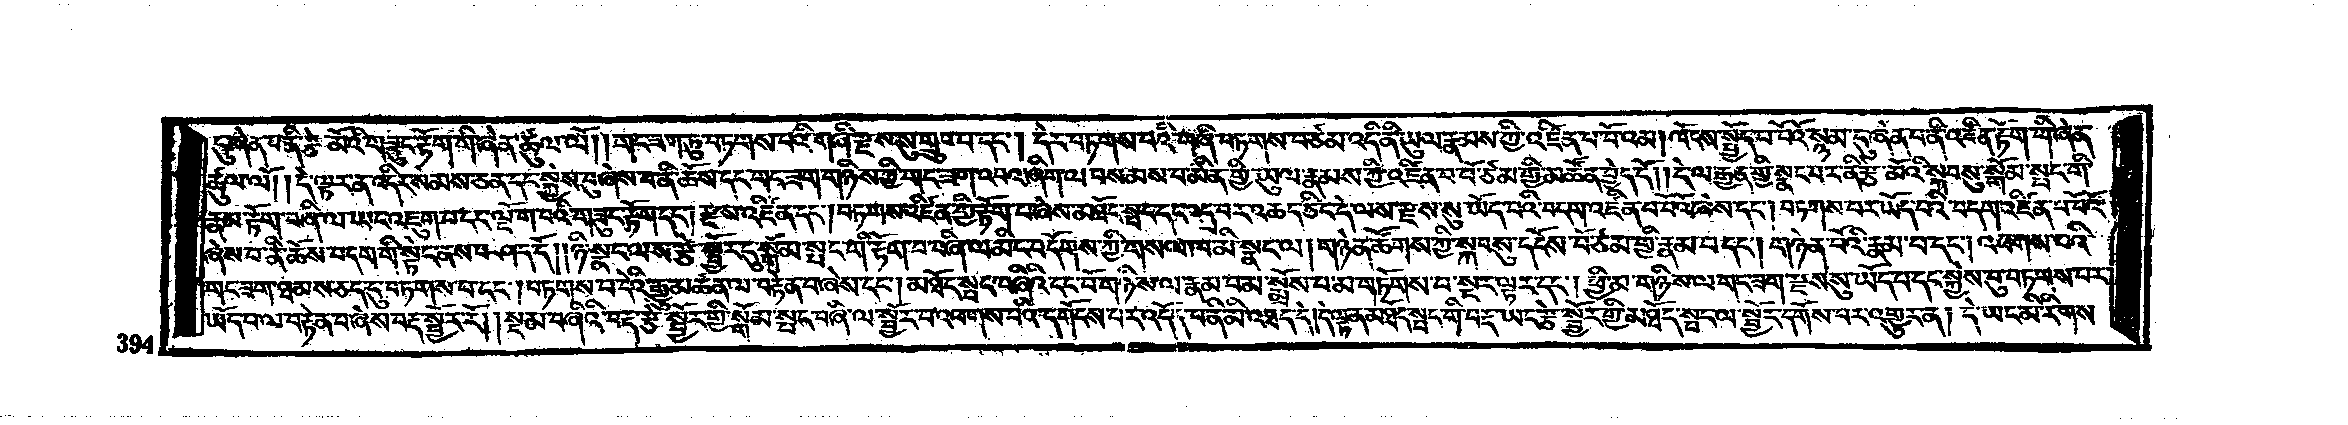དུ་ཞེན་པ་ནི་རྩེ་མོའི་གཟུང་རྟོག་གི་ཞེན་ཚུལ་ལོ། །གང་ཟག་ཏུ་བཏགས་པའི་གཞི་རྫས་སུ་གྲུབ་པ་དང་། དེར་བཏགས་པའི་གཞི་བཏགས་པ་ཙམ་འདི་ནི་ཡུལ་རྣམས་ཀྱི་འཛིན་པ་པོ་འམ། ལོངས་སྤྱོད་པ་པོའོ་སྙམ་དུ་ཞེན་པ་ནི་འཛིན་རྟོག་གི་ཞེན་
ཚུལ་ལོ། །དེ་ལྟར་ན་འདིར་སེམས་ཅན་དང་སྐྱེས་བུ་ཞེས་པ་ནི་ཆོས་དང་གང་ཟག་གཉིས་ཀྱི་གང་ཟག་འབའ་ཞིག་ལ་བསམས་པ་མིན་གྱི་ཡུལ་རྣམས་ཀྱི་འཛིན་པ་པོ་ཙམ་གྱི་མཚོན་བྱེད་དོ། །དེ་ལ་རྒྱན་གྱི་སྣང་བར་ནི་རྩེ་མོའི་སྐབས་སུ་སྒོམ་སྤང་གི་
རྣམ་རྟོག་བཞི་ལ་ཡང་འཇུག་པ་དང་ལྡོག་པའི་གཟུང་རྟོག་དང་། རྫས་འཛིན་དང་། བཏགས་འཛིན་གྱི་རྟོག་པ་ཞེས་མཐོང་སྤང་དང་འདྲ་བར་འཆད་ཅིང་དེ་ལས་རྫས་སུ་ཡོད་པའི་བདག་འཛིན་པ་པོའོ་ཞེས་དང་། བཏགས་པར་ཡོད་པའི་བདག་འཛིན་པ་པོའོ་
ཞེས་པ་ནི་ཆོས་བདག་གི་སྟེང་ནས་བཤད་དོ། །ཉི་སྣང་ལས་རྩེ་སྦྱོར་དུ་སྒོམ་སྤང་གི་རྟོག་པ་བཞི་ལ་མིང་བདོགས་ཀྱི་གསལ་ཁ་མི་སྣང་ལ། གཉེན་ཚོགས་ཀྱི་སྐབས་སུ་དངོས་པོ་ཙམ་གྱི་རྣམ་པ་དང་། གཉེན་པོའི་རྣམ་པ་དང་། འཕགས་པའི་
གང་ཟག་ཐམས་ཅད་དུ་བཏགས་པ་དང་། བཏགས་པ་དེའི་རྒྱུ་མཚན་ལ་བརྟེན་པ་ཞེས་དང་། མཐོང་སྤང་བཞིའི་དང་པོ་གཉིས་ལ་རྣམ་པ་མ་སྨྲོས་པ་མ་གཏོགས་པ་སྔར་ལྟར་དང་། ཕྱི་མ་གཉིས་ལ་གང་ཟག་རྫས་སུ་ཡོད་པ་དང་སྐྱེས་བུ་བཏགས་པར་
ཡོད་པ་ལ་བརྟེན་པ་ཞེས་བརྡ་སྦྱོར་རོ། །སྔ་མ་བཞིའི་བརྡ་རྩེ་སྦྱོར་གྱི་སྒོམ་སྤང་བཞི་ལ་སྦྱོར་བ་འཕགས་པའི་དགོངས་པར་འདོད་པ་ནི་མི་འཐད་དེ། དེ་ལྟ་ན་མཐོང་སྤང་གི་བརྡ་ཡང་རྩེ་སྦྱོར་གྱི་མཐོང་སྤང་ལ་སྦྱོར་དགོས་པར་འགྱུར་ན། དེ་ཡང་མི་རིགས་